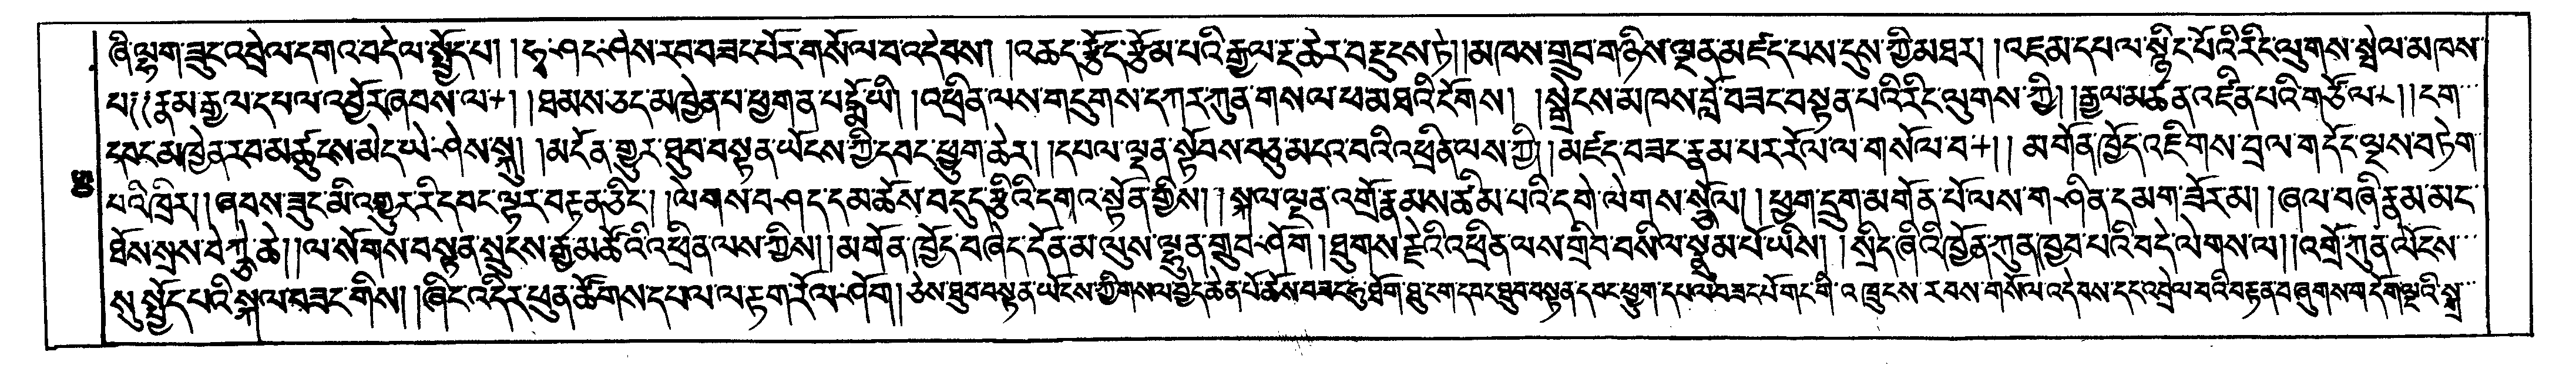ཞི་ལྷག་ཟུང་འབྲེལ་དགའ་བདེ་ལ་སྤྱོད་པ། །ཧྭ་ཤང་ཤེས་རབ་བཟང་བོར་གསོལ་བ་འདེབས། །འཆད་རྩོད་རྩོམ་པའི་རྒྱལ་རྡ་ཆེར་བརྡུངས་ཏེ། །མཁས་གྲུབ་གཉིས་ལྡན་མཛད་པས་དུས་ཀྱི་མཐར། །འཇམ་དཔལ་སྙིང་པོའི་རིང་ལུགས་སྤེལ་མཁས་
པ༑ ༑རྣམ་རྒྱལ་དཔལ་འབྱོར་ཞབས་ལ། །ཐམས་ཅད་མཁྱེན་པ་ཕྱག་ན་པདམོ་ཡི། །འཕྲིན་ལས་གདུགས་དཀར་ཀུན་གསལ་ཕ་མཐའི་དོགས། །སྒྲེངས་མཁས་བློ་བཟང་བསྟན་པའི་རིང་ལུགས་ཀྱི། །རྒྱལ་མཚན་འཛིན་པའི་གཙོ་ལ། །ངག་
དབང་མཁྱེན་རབ་མཚུངས་མེད་ཡེ་ཤེས་སྐུ། །མངོན་གྱུར་ཐུབ་བསྟན་ཡོངས་ཀྱི་དབང་ཕྱུག་ཆེར། །དཔལ་ལྡན་སྟོབས་བཅུ་མངའ་བའི་འཕྲིན་ལས་ཀྱི། །མཛད་བཟང་རྣམ་པར་རོལ་ལ་གསོལ་བ། །མགོན་ཁྱོད་འཇིགས་བྲལ་གདོང་ལྔས་བཏེག་
པའི་ཁྲིར། །ཞབས་ཟུང་མི་འགྱུར་རི་དབང་ལྟར་བརྟན་ཅིང་། །ལེག་པ་བཤད་དམ་ཆོས་བདུད་རྩིའི་དགའ་སྟོན་གྱིས། །སྐལ་ལྡན་འགྲོ་རྣམས་ཚིམ་པའི་དགེ་ལེགས་སྩོལ། །ཕྱག་དྲུག་མགོན་པོ་ལས་གཤིན་དམག་ཟོར་མ། །ཞལ་བཞི་རྣམ་མང་
ཐོས་སྲས་བེཀྩེ་ཆེ། །ལ་སོགས་བསྟན་སྲུངས་རྒྱ་མཚོའི་འཕྲིན་ལས་ཀྱིས། །མགོན་ཁྱོད་བཞེང་དོན་མ་ལུས་ལྷུན་གྲུབ་ཤོག། །ཐུགས་རྗེའི་འཕྲིན་ལས་གྲིབ་བསིལ་སྣུམ་པོ་ཡིས། །སྲིད་ཞིའི་ཁྱོན་ཀུན་ཁྱབ་པའི་བདེ་ལེགས་ལ། །འགྲོ་ཀུན་ལོངས་
སུ་སྤྱོད་པའི་སྐལ་བཟང་གིས། །ཞིང་འདིར་ཕུན་ཚོགས་དཔལ་ལ་རྟག་རོལ་ཤོག། ཅེས་ཐུབ་བསྟན་ཡོངས་ཀྱི་གསལ་བྱེད་ཆེན་པོ་ཆོས་བཟང་ཧུ་ཐོག་ཐུ་ངག་དབང་ཐུབ་བསྟན་དབང་ཕྱུག་དཔལ་བཟང་པོ་གང་གི་འཁྲུངས་རབས་གསོལ་འདིབས་དང་འབྲེལ་བའི་བརྟན་བཞུགས་གདོང་ལྔའི་སྒྲ་